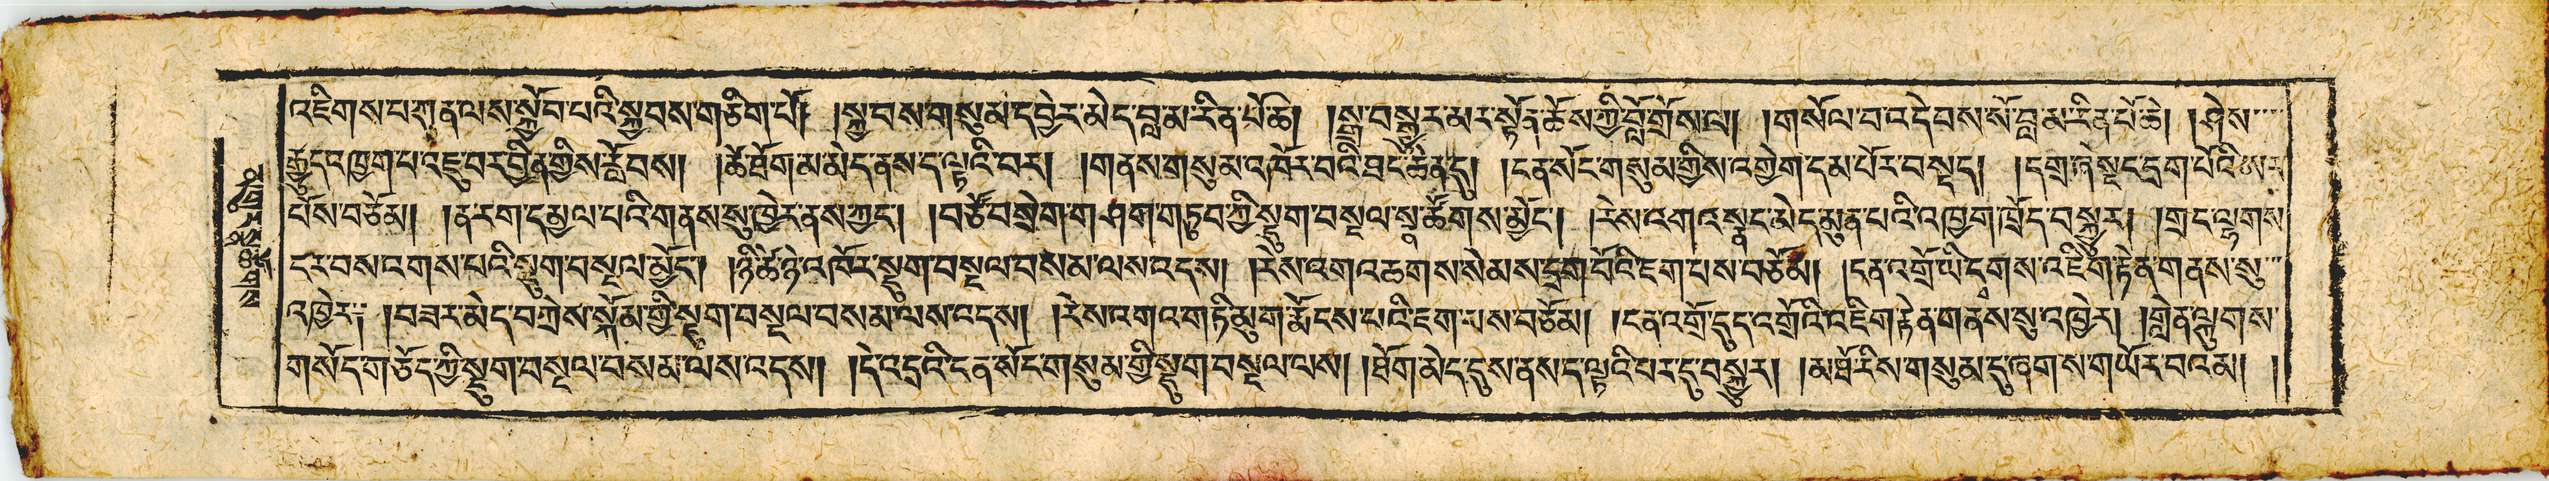འཇིགས་པ་ཀུན་ལས་སྐྱོབ་པའི་སྐྱབས་གཅིག་པོ། །སྐྱབས་གསུམ་དབྱེར་མེད་བླ་མ་རིན་པོ་ཆེ། །སྒྲ་བསྒྱུར་མར་སྟོན་ཆོས་ཀྱི་བློ་གྲོས་ལ། །གསོལ་བ་འདེབས་སོ་བླ་མ་རིན་པོ་ཆེ། །ཤེས་
རྒྱུད་འཁྱག་པ་འཇུ་བར་བྱིན་གྱིས་རློབས། །ཚེ་ཐོག་མ་མེད་ནས་ད་ལྟའི་བར། །གནས་གསུམ་འཁོར་བའི་ཐང་ཆེན་དུ། །ངན་སོང་གསུམ་གྱི་འགྱེག་དམ་པོར་བསྡད། །དགྲ་ཞེ་སྡང་དྲག་པོའི་ཨར་
པོས་བཅོམ། །ན་རག་དམྱལ་པའི་གནས་སུ་ཁྱེར་ནས་ཀྱང་། །བཙོ་བསྲེག་གཤག་གཏུབ་ཀྱི་སྡུག་བསྔལ་སྣ་ཚོགས་མྱོང་། །རེས་འགའ་སྣང་མེད་མུན་པའི་འཁྱག་ཁྲོད་བསྐྱུར། །གྲང་ལྷགས་
དར་བས་འགས་པའི་སྡུག་བསྔལ་མྱོང་། །ཉི་ཚེ་ཉེ་འཁོར་སྡུག་བསྔལ་བསམ་ལས་འདས། །རེས་འགའ་ཆགས་སེམས་དྲག་པོའི་ཇག་པས་བཅོམ། །ངན་འགྲོ་ཡི་དྭགས་འཇིག་རྟེན་གནས་སུ་
འཁྱེར། །བཟར་མེད་བཀྲེས་སྐོམ་གྱི་སྡུག་བསྔལ་བསམ་ལས་འདས། །རེས་འགའ་གཏི་མུག་རྨོངས་པའི་ཇག་པས་བཅོམ། །ངན་འགྲོ་དུད་འགྲོའི་འཇིག་རྟེན་གནས་སུ་འཁྱེར། གླེན་ལྐུགས་
གསོད་གཅོད་ཀྱི་སྡུག་བསྔལ་བསམ་ལས་འདས། །དེ་འདྲའི་ངན་སོང་གསུམ་གྱི་སྡུག་བསྔལ་ལས། །ཐོག་མེད་དུས་ནས་ད་ལྟའི་བར་དུ་བསྐྱུར། །མཐོ་རིས་གསུམ་དུ་ཞག་ས་གཡོར་བའམ། །